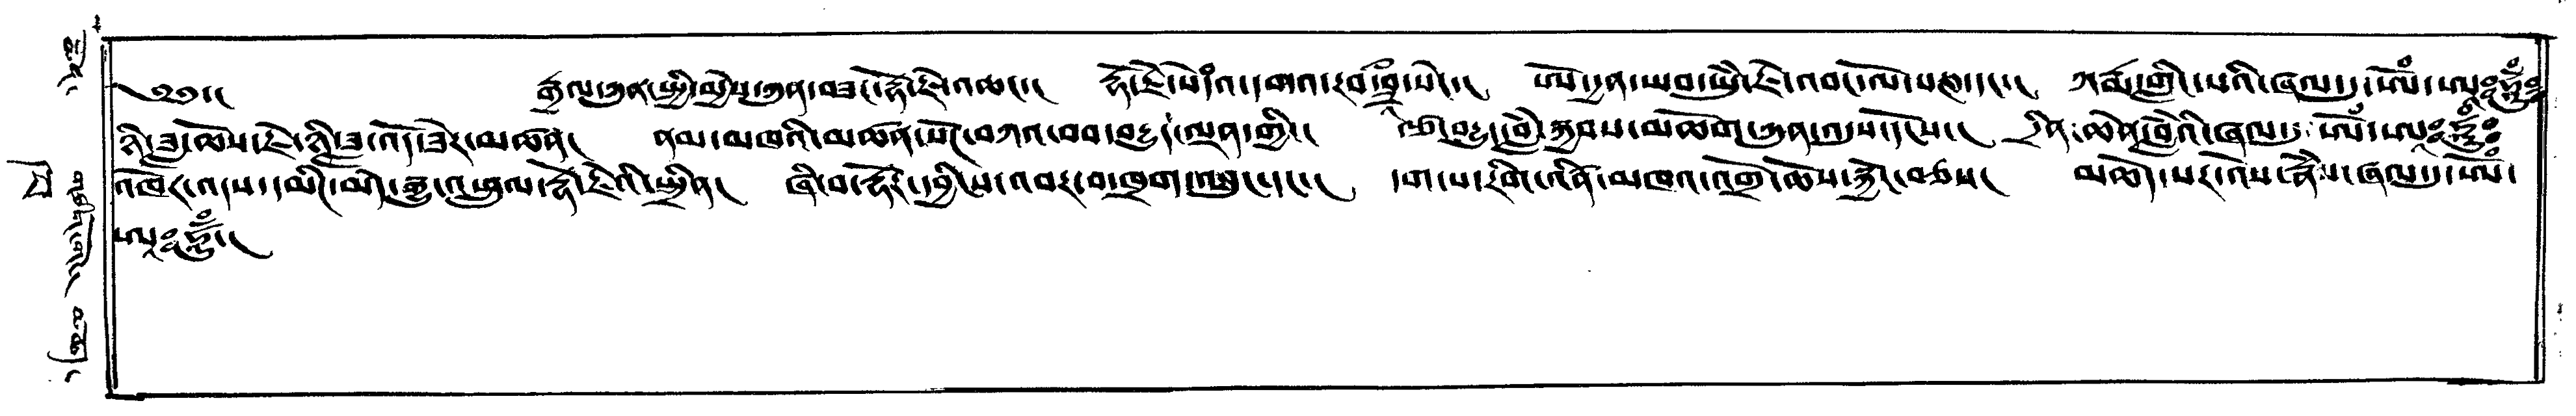རྒྱལ་ཀུན་སྤྱི་མེས་ཀུན་བཟང་རྡོ་རྗེ་འཆང་། །རྡོ་རྗེ་སེམས་དཔའ་དགའ་རབ་ཤྲཱི་སེང་། །ཨོ་རྒྱན་ཡབ་ཡུམ་རྗེ་འབངས་ལོ་པཎ་དང་། །ཀརྨ་གླིང་པའི་ཞལ་དུ་ཨོཾ་ཨཱཿཧཱུྃཿ །
ཉི་ཟླ་ཆོས་རྗེ་ཉི་ཟླ་འོད་ཟེར་མཚན། །ནམ་མཁའི་མཚན་སོགས་བཀའ་བབ་བརྒྱུད་ལྡན་གྱི། །རྩ་བརྒྱུད་བླ་མ་སྐྱབས་མཆོག་ཀུན་འདུས་དངོས། །དྲིན་ཆེན་བླ་མའི་ཞལ་དུ་ཨོཾ་ཨཱཿཧཱུཿ 
འཁོར་འདས་དམིགས་མེད་སྒྱུ་འཕྲུལ་རྡོ་རྗེའི་སྤྲིན། །ཞི་བ་རྡོར་དབྱིངས་འབར་བ་ཁྲག་འཐུང་དང་། །དག་པ་རིག་འཛིན་མཁའ་འགྲོ་ཆོས་སྐྱོང་བཅས། །མཆོད་པར་འོས་རྣམས་ཞལ་དུ་ཨོཾ་
ཨཱཿཧཱུྃཿ